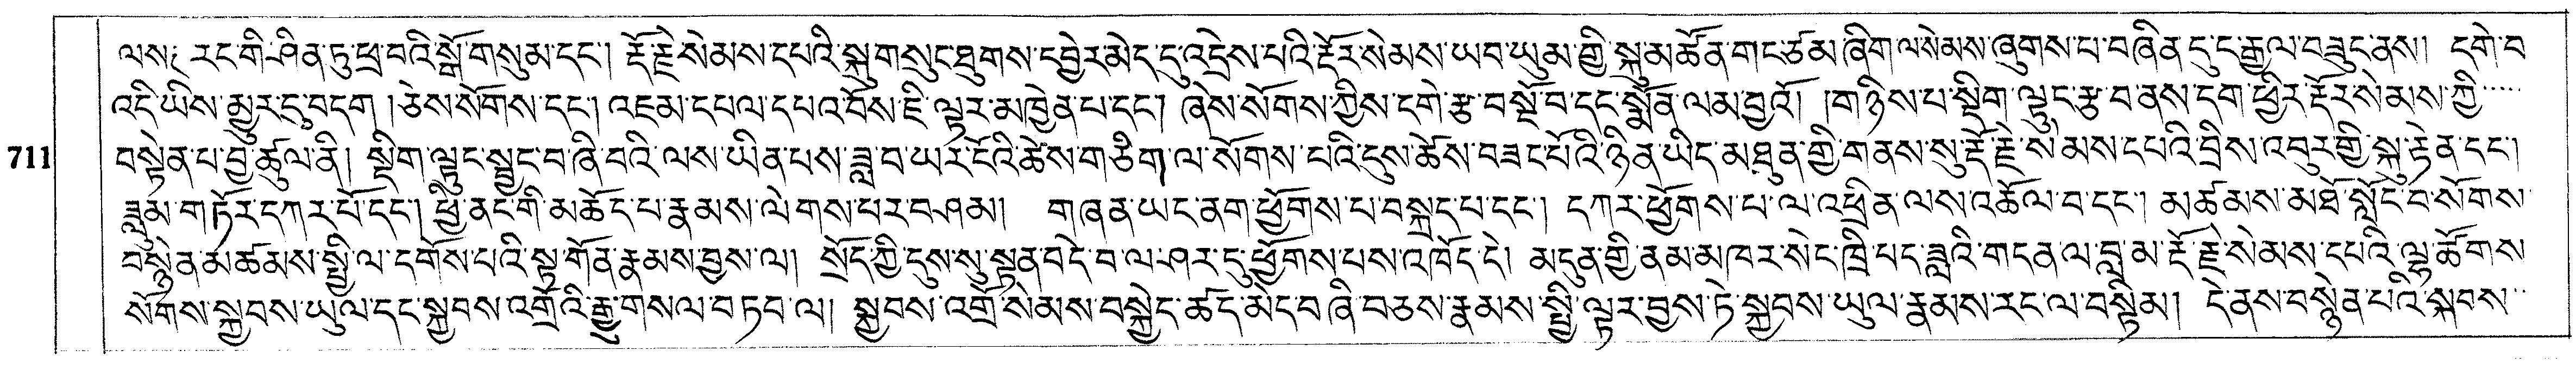ལས༑ རང་གི་ཤིན་ཏུ་ཕྲ་བའི་སྒོ་གསུམ་དང་། རྡོ་རྗེ་སེམས་དཔའི་སྐུ་གསུང་ཐུགས་དབྱེར་མེད་དུ་འདྲེས་པའི་རྡོར་སེམས་ཡབ་ཡུམ་གྱི་སྐུ་མཚོན་གང་ཙམ་ཞིག་ལ་སེམས་ཞུགས་པ་བཞིན་དུ་ང་རྒྱལ་བཟུང་ནས། དགེ་བ་
འདི་ཡིས་མྱུར་དུ་བདག །ཅེས་སོགས་དང་། འཇམ་དཔལ་དཔའ་བོས་ཇི་ལྟར་མཁྱེན་པ་དང་། ཞེས་སོགས་ཀྱིས་དགེ་རྩ་བསྔོ་བ་དང་སྨོན་ལམ་བྱའོ། །གཉིས་པ་སྡིག་ལྟུང་རྩ་བ་ནས་དག་ཕྱིར་རྡོར་སེམས་ཀྱི་
བསྟེན་པ་བྱ་ཚུལ་ནི། སྡིག་ལྟུང་སྦྱང་བ་ཞི་བའི་ལས་ཡིན་པས་ཟླ་བ་ཡར་ངོའི་ཚེས་གཅིག་ལ་སོགས་པའི་དུས་ཚེས་བཟང་པོའི་ཉིན་ཡིད་མཐུན་གྱི་གནས་སུ་རྡོ་རྗེ་སེམས་དཔའི་བྲིས་འབུར་གྱི་སྐུ་རྟེན་དང་།
ཟླུམ་གཏོར་དཀར་པོ་དང་། ཕྱི་ནང་གི་མཆོད་པ་རྣམས་ལེགས་པར་བཤམ། གཞན་ཡང་ནག་ཕྱོགས་པ་བསྐྲད་པ་དང་། དཀར་ཕྱོགས་པ་ལ་འཕྲིན་ལས་འཆོལ་བ་དང་། མཚམས་མཐོ་སློང་བ་སོགས་
བསྙེན་མཚམས་སྤྱི་ལ་དགོས་པའི་སྟ་གོན་རྣམས་བྱས་ལ། སྲོད་ཀྱི་དུས་སུ་སྟན་བདེ་བ་ལ་ཤར་དུ་ཕྱོགས་པས་འཁོད་དེ། མདུན་གྱི་ནམ་མཁར་སེང་ཁྲི་པད་ཟླའི་གདན་ལ་བླ་མ་རྡོ་རྗེ་སེམས་དཔའི་ལྷ་ཚོགས་
སོགས་སྐྱབས་ཡུལ་དང་སྐྱབས་འགྲོའི་རྒྱུ་གསལ་བཏབ་ལ། སྐྱབས་འགྲོ་སེམས་བསྐྱེད་ཚད་མེད་བཞི་བཅས་རྣམས་སྤྱི་ལྟར་བྱས་ཏེ་སྐྱབས་ཡུལ་རྣམས་རང་ལ་བསྟིམ། དེ་ནས་བསྙེན་པའི་སྐབས་